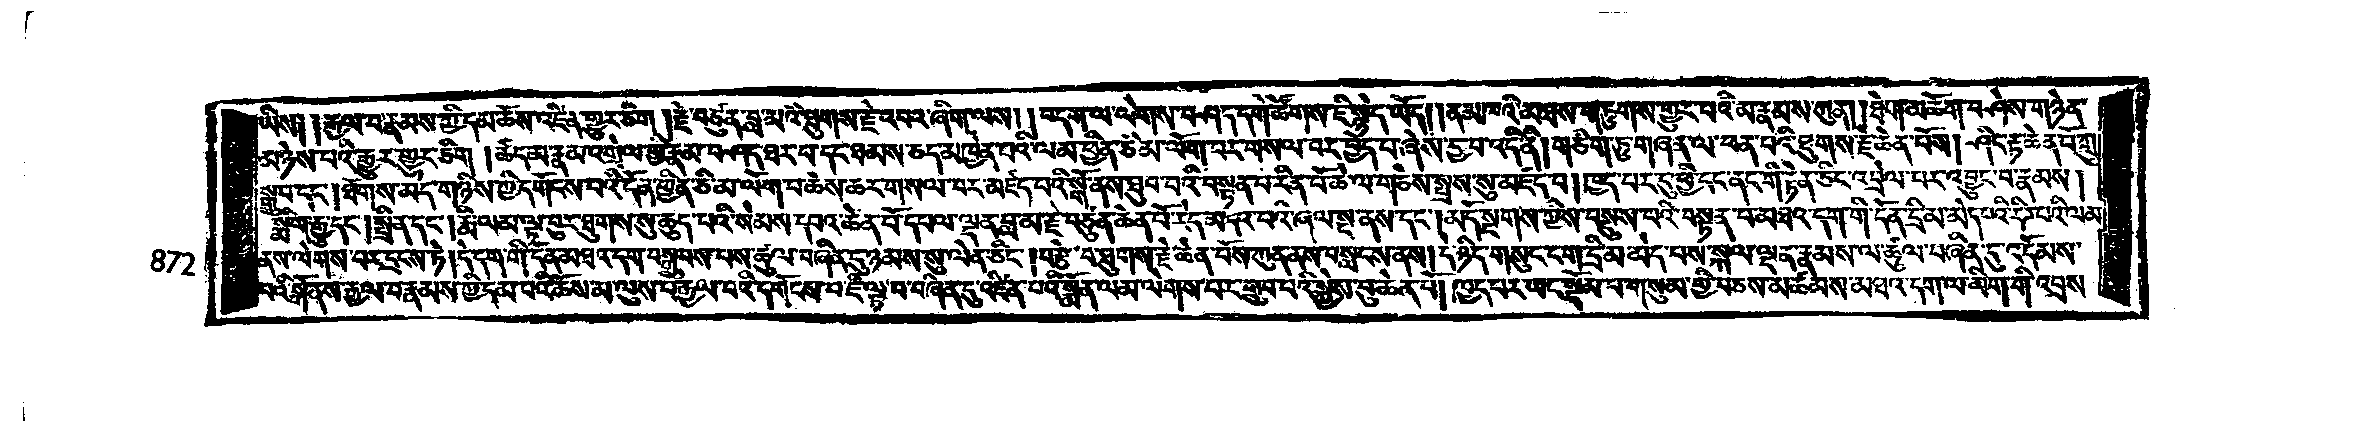ཡིས། །རྒྱལ་བ་རྣམས་ཀྱི་དམ་ཆོས་འཛིན་གྱུར་ཅིག། རྗེ་བཙུན་བླ་མའི་ཐུགས་རྗེ་འབའ་ཞིག་ལས། །བདག་ལ་ལེགས་བཤད་དགེ་ཚོགས་ཇི་སྙེད་ཡོད། །ནམ་ཁའི་མཐས་གཏུགས་གྱུར་པའི་མ་རྣམས་ཀུན། །ཐེག་མཆོག་བཤེས་གཉེན་
མཉེས་པའི་རྒྱུར་གྱུར་ཅིག། །ཚད་མ་རྣམ་འགྲེལ་གྱི་རྣམ་བཤད་ཐར་པ་དང་ཐམས་ཅད་མཁྱེན་པའི་ལམ་ཕྱིན་ཅི་མ་ལོག་པར་གསལ་བར་བྱེད་པ་ཞེས་བྱ་བ་འདི་ནི། གཅིག་ཏུ་གཞན་ལ་ཕན་པའི་ཐུགས་རྗེ་ཆེན་པོས། ཤིང་རྟག་ཆེན་པོ་ཀླུ་
སྒྲུབ་དང་། ཐོགས་མེད་གཉིས་ཀྱི་དགོངས་པའི་དོན་ཕྱིན་ཅི་མ་ལོག་པ་ཆེས་ཆར་གསལ་བར་མཛད་པའི་སྒོ་ནས་ཐུབ་པའི་བསྟན་པ་རིན་པོ་ཆེ་ལ་གཅེས་སྤྲས་སུ་མཛད་པ། ཁྱད་པར་དུ་ཕྱི་དང་ནང་གི་རྟེན་ཅིང་འབྲེལ་པར་འབྱུང་བ་རྣམས།
སྨིག་རྒྱུ་དང་། སྤྲིན་དང་། རྨི་ལམ་ལྟ་བུར་ཐུགས་སུ་ཚུད་པའི་སེམས་དཔའ་ཆེན་པོ་དཔལ་ལྡན་བླ་མ་རྗེ་?་བཙུན་ཆེན་པོ་རེད་མདའ་བའི་ཞལ་སྔ་ནས་དང་། མདོ་སྔགས་ཀྱིས་བསྡུས་པའི་བསྟན་པ་མཐའ་དག་གི་དོན་དྲི་མ་མེད་པའི་རིཌ་པའི་ལམ་
ནས་ལེགས་པར་དྲངས་ཏེ། དེ་དག་གི་དོན་མཐའ་དག་བསྒྲུབས་པས་ཚུལ་བཞིན་དུ་ཉམས་སུ་ལེན་ཅིང་། བརྩེ་བ་ཐུགས་རྗེ་ཆེན་པོས་ཀུན་ནས་བསླངས་ནས། དེ་ཉིད་གསུང་ངག་དྲི་མ་མེད་པས་སྐལ་ལྡན་རྣམས་ལ་ཚུལ་བཞིན་དུ་འདོམས་
པའི་སྒོ་ནས་རྒྱལ་བ་རྣམས་ཀྱི་དམ་པའི་ཆོས་མ་ལུས་པ་རྒྱལ་བའི་དགོངས་པ་ཇི་ལྟ་བ་བཞིན་དུ་འཛིན་པའི་སྨོན་ལམ་ལེགས་པར་གྲུབ་པའི་སྐྱེས་བུ་ཆེན་པོ། ཁྱད་པར་ཡང་སྡོམ་པ་གསུམ་གྱི་བཅས་མཚམས་མཐའ་དག་ལ་མིག་གི་འབྲས་